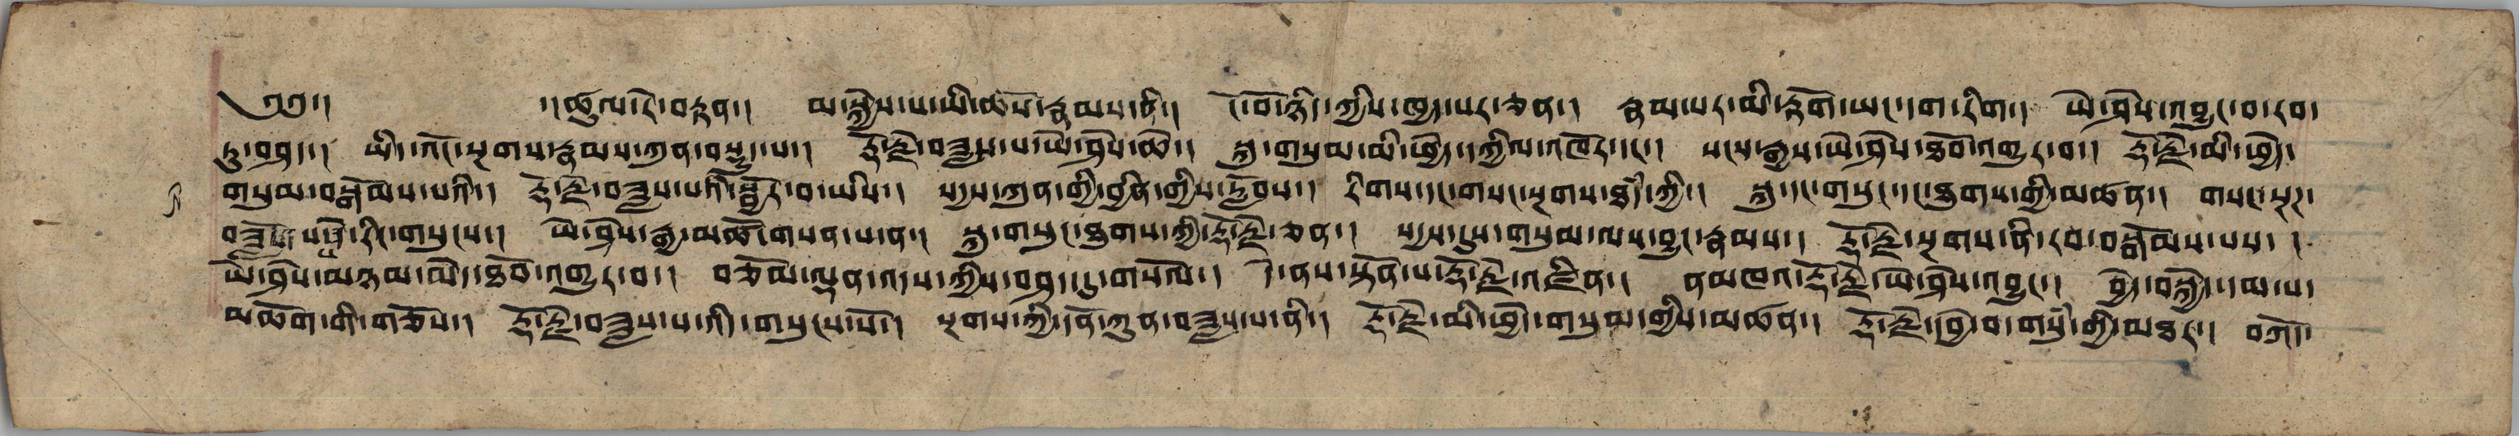༄༅་། ་།ཚུལ་རེ་བརྟན་། མ་སྐྱེས་པ་ཡི་ཆོས་རྣམས་ནི་། ངོ་བོ་ཉིད་ཀྱིས་ཁྱད་པར་ཅན་། རྣམ་པར་མི་རྟོག་ཡང་དག་རིག་། ཡེ་ཤེས་འབྱུང་བ་རབ་
ཏུ་བཤད་། ཡིད་འོང་སྔགས་རྣམས་ཀུན་བསྡུད་པ་། རྡོ་རྗེ་བཟླས་པ་ཡེ་ཤེས་ཆེ་། སྐུ་གསུམ་མི་ཕྱེད་དཀྱིལ་འཁོར་དང་། སངས་རྒྱས་ཡེ་ཤེས་ཐོབ་འགྱུར་བ་། རྡོ་རྗེ་མི་ཕྱེད་
གསུམ་བསྒོམས་པའི་། རྡོ་རྗེ་བཟླས་པའི་སྦྱོར་བ་ཡིས་། སདྱས་ཀུན་གྱི་བྱིན་གྱིས་རློབས་། རིགས་དང་གསང་སྔགས་ཐཾད་ཀྱི་། སྐུ་དང་གསུང་དང་ཐུགས་གྱི་མཚན་། གསང་སྔཌ་
བཟློག་པས་དེ་རིང་གསུངས་། ཡེ་ཤེས་རྒྱ་མཚོ་གསན་པ་ན་། སྐུ་གསུང་ཐུགས་ཀྱི་རྡོ་རྗེ་ཅན་། སདྱས་དུས་གསུམ་ལས་བྱུང་རྣམས་། རྡོ་རྗེ་སྔགས་ནི་རབ་བསྒོམས་པས་
ཡེ་ཤེས་མཉམ་མེད་ཐོབ་འགྱུར་བ་། བཅོམ་ལྡན་འདས་ཀྱིས་བཤད་དུ་གསོལ་། དེ་ནས་སྟོན་པ་རྡོ་རྗེ་འཛིན་། ནམཁའ་རྡོ་རྗེ་ཡེ་ཤེས་འབྱུང་། བྱེད་བསྐྱེད་དམ་པ་
མཆོག་གི་གཙོས་། རྡོ་རྗེ་བཟླས་པ་འདི་གསུངས་སོ་། སྔགས་ཀྱི་དོན་ཀུན་བཟླས་པ་ནི་། རྡོ་རྗེ་མི་ཕྱེད་གསུམ་གྱིས་མཚན་། རྡོ་རྗེ་དབྱེ་བ་གསུཾ་གྱི་མཐར་། བཀོད་